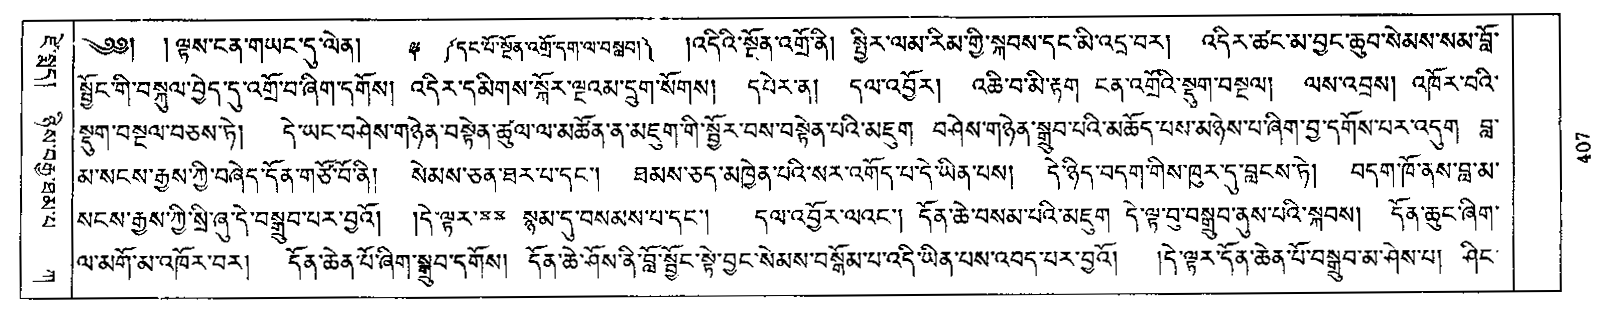༄༅། །ལྟས་ངན་གཡང་དུ་ལེན། ༈ དང་པོ་སྔོན་འགྲོ་དག་ལ་བསླབ།?་།འདིའི་སྔོན་འགྲོ་ནི། སྤྱིར་ལམ་རིམ་གྱི་སྐབས་དང་མི་འདྲ་བར། འདིར་ཚང་མ་བྱང་ཆུབ་སེམས་སམ་བློ་
སྦྱོང་གི་བསྐུལ་བྱེད་དུ་འགྲོ་བ་ཞིག་དགོས། འདིར་དམིགས་སྐོར་ལྔའམ་དྲུག་སོགས། དཔེར་ན། དལ་འབྱོར། འཆི་བ་མི་རྟག་ངན་འགྲོའི་སྡུག་བསྔལ། ལས་འབྲས། འཁོར་བའི་
སྡུག་བསྔལ་བཅས་ཏེ། དེ་ཡང་བཤེས་གཉེན་བསྟེན་ཚུལ་ལ་མཚོན་ན་མཇུག་གི་སྦྱོར་བས་བསྟེན་པའི་མཇུག་བཤེས་གཉེན་སྒྲུབ་པའི་མཆོད་པས་མཉེས་པ་ཞིག་བྱ་དགོས་པར་འདུག་བླ་
མ་སངས་རྒྱས་ཀྱི་བཞེད་དོན་གཙོ་བོ་ནི། སེམས་ཅན་ཐར་པ་དང་། ཐམས་ཅད་མཁྱེན་པའི་སར་འགོད་པ་དེ་ཡིན་པས། དེ་ཉིད་བདག་གིས་ཁུར་དུ་བླངས་ཏེ། བདག་ཁོ་ནས་བླ་མ་
སངས་རྒྱས་ཀྱི་སྲི་ཞུ་དེ་བསྒྲུབ་པར་བྱའོ། །དེ་ལྟར་྾་྾་སྙམ་དུ་བསམས་པ་དང་། དལ་འབྱོར་ལའང་། དོན་ཆེ་བསམ་པའི་མཇུག་དེ་ལྟ་བུ་བསྒྲུབ་ནུས་པའི་སྐབས། དོན་ཆུང་ཞིག་
ལ་མགོ་མ་འཁོར་བར། དོན་ཆེན་པོ་ཞིག་སྒྲུབ་དགོས། དོན་ཆེ་ཤོས་ནི་བློ་སྦྱོང་སྟེ་བྱང་སེམས་བསྒོམ་པ་འདི་ཡིན་པས་འབད་པར་བྱའོ། །དེ་ལྟར་དོན་ཆེན་པོ་བསྒྲུབ་མ་ཤེས་པ། ཤིང་